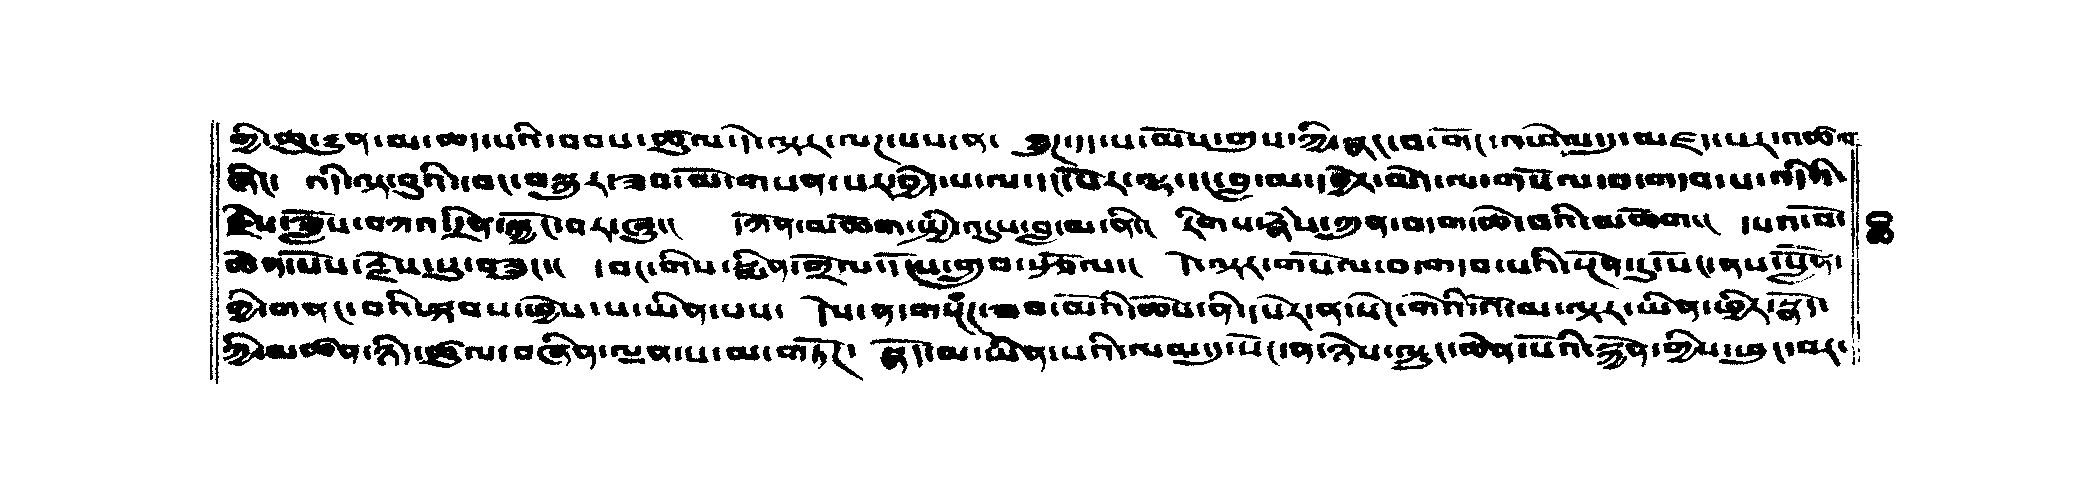གྱི་ཆུ་རྒྱུན་མ་ཆད་པའི་བབས་ཚུལ་དེ་ལྟར་ལགས་པས་ན། ཐུགས་དད་པ་མོས་གུས་ཀྱི་སྣང་བ་གོང་འཕེལ་དུ་མཛད་པར་འཚལ་
ཞིང་། འདི་ལྟ་བུའི་དབང་བསྐུར་ཟབ་མོ་གསན་པར་བྱེད་པ་ལ་དང་པོར་ལྷ་དང་བླ་མ་དབྱེར་མེད་ལ་གསོལ་བ་གདབ་པ་འདིའི་
རྗེས་ཟློས་གནང་བཀའ་དྲིན་སྐྱོང་བར་ཞུ། དཀོན་མཆོག་སྤྱི་འདུས་བླ་མ་ནི། །རིགས་རྣམས་ཀུན་བདག་ཆེ་བའི་མཆོག་དཔའ་བོ་
ཆེན་པོས་རྗེས་བཟུང་། །དབང་གི་སྨིན་གྲོལ་དངོས་གྲུབ་སྩོལ། །དེ་ལྟར་གསོལ་བ་གདབ་པའི་སྔོན་དུ་སོང་ནས་སློབ་དཔོན་
གྱི་གནང་བའི་སྐབས་ཕྱེས་པ་ཡིན་པས། དེས་ན་་གསང་སྔགས་ཟབ་མོའི་ཆོས་ནི་དཔེར་ན་སེང་གེའི་འོ་མ་ལྟར་ཡིན་ཕྱིར་སྣོད་
ཀྱི་མཚན་ཉིད་ཚུལ་བཞིན་ལྡན་པ་མ་གཏོགས། སྣོད་མ་ཡིན་པའི་ལམ་དུ་སོང་ན་ཉེས་ལྟུང་ཆེན་པོའི་ཕུང་བར་